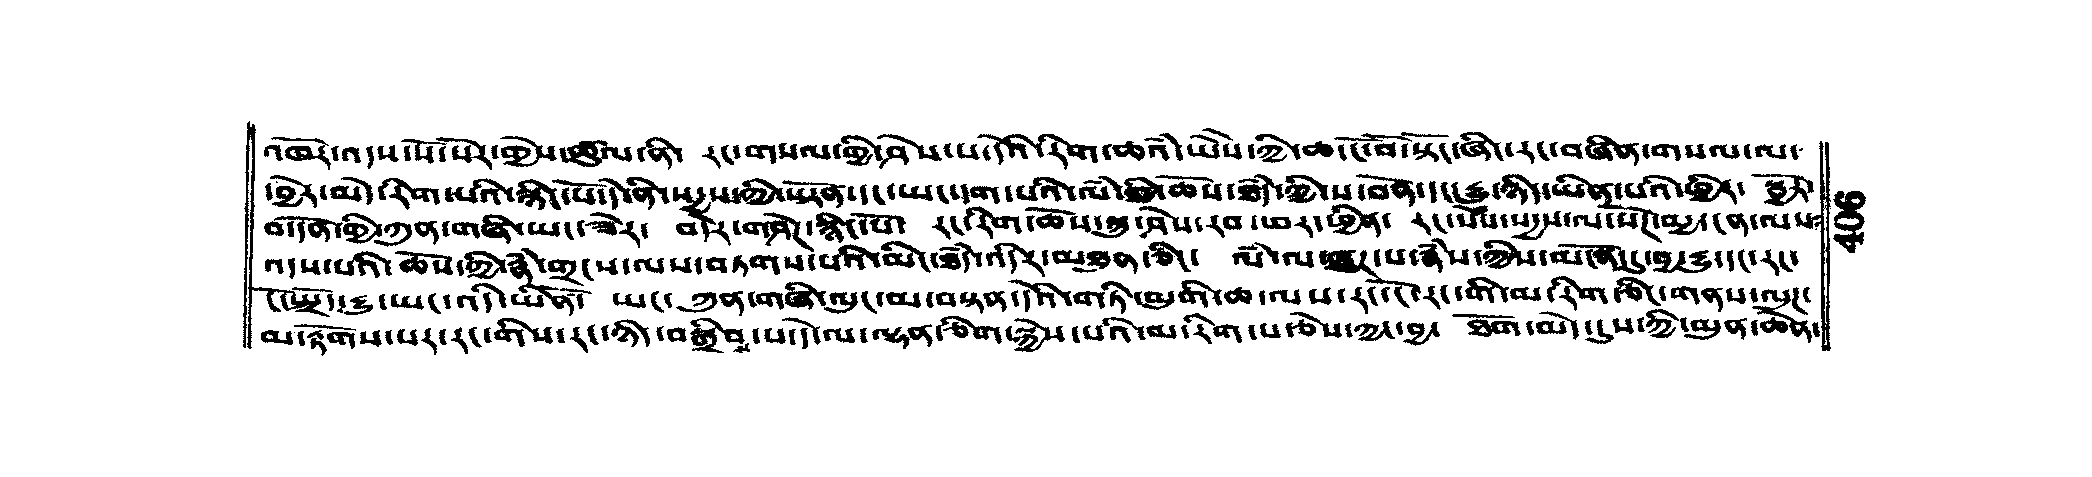འཁོར་འདས་སོ་སོར་གྱེས་ཚུལ་ནི། རང་གསལ་གྱི་ཤེས་པ་དེའི་རིག་ཆའམ་ཡེ་ཤེས་ཀྱི་ཆ་ངོ་བོ་སྟོང་ཞིང་རང་བཞིན་གསལ་ལ་
དབྱེར་མེད་རིག་པའི་སྙིང་པོ་དེ་ནི་སངས་རྒྱས་ཀྱི་ཡོན་ཏན་དང་ཡང་དག་པའི་ལམ་གྱི་ཆོས་ཐམས་ཅད་ཀྱི་ས་བོན་དང་རྒྱུ་ཉིད་ཡིན་པའི་ཕྱིར། སྦྱོར་
བ་དོན་གྱི་ཀུན་གཞི་ཡང་ཟེར། བདེ་གཤེགས་སྙིང་པོ། རང་རིག་ཆོས་སྐུ་ཤེས་རབ་ཕར་ཕྱིན། རང་སེམས་སངས་རྒྱས་ལ་སོགས་མྱ་ངན་ལས་
འདས་པའི་ཆོས་ཀྱི་རྣམ་གྲངས་ལས་བཏགས་པའི་མིང་ཐམས་ཅད་འདིར་མཐུན་ཅིང་། ལམ་ལ་ཞུགས་པ་རྣམས་ཀྱིས་མངོན་དུ་བྱ་རྒྱུ་དང་རང་
ངོ་སྤྲོད་རྒྱུ་ཡང་འདི་ཡིན་ནོ། ཡང་། ཀུན་གཞི་ལུང་མ་བསྟན་དེའི་གཏི་མུག་གི་ཆ་ལས་རང་ངོ་རང་གི་མ་རིག་ཅིང་གནས་ལུགས་
མ་རྟོགས་པར་རང་གིས་རང་ཉིད་བསྒྲིབས་པ་དེ་ལ་ལྷན་ཅིག་སྐྱེས་པའི་མ་རིག་པ་ཞེས་ཀྱང་བྱ། ཐོག་མེད་དུས་ཀྱི་མུན་ཆེན་